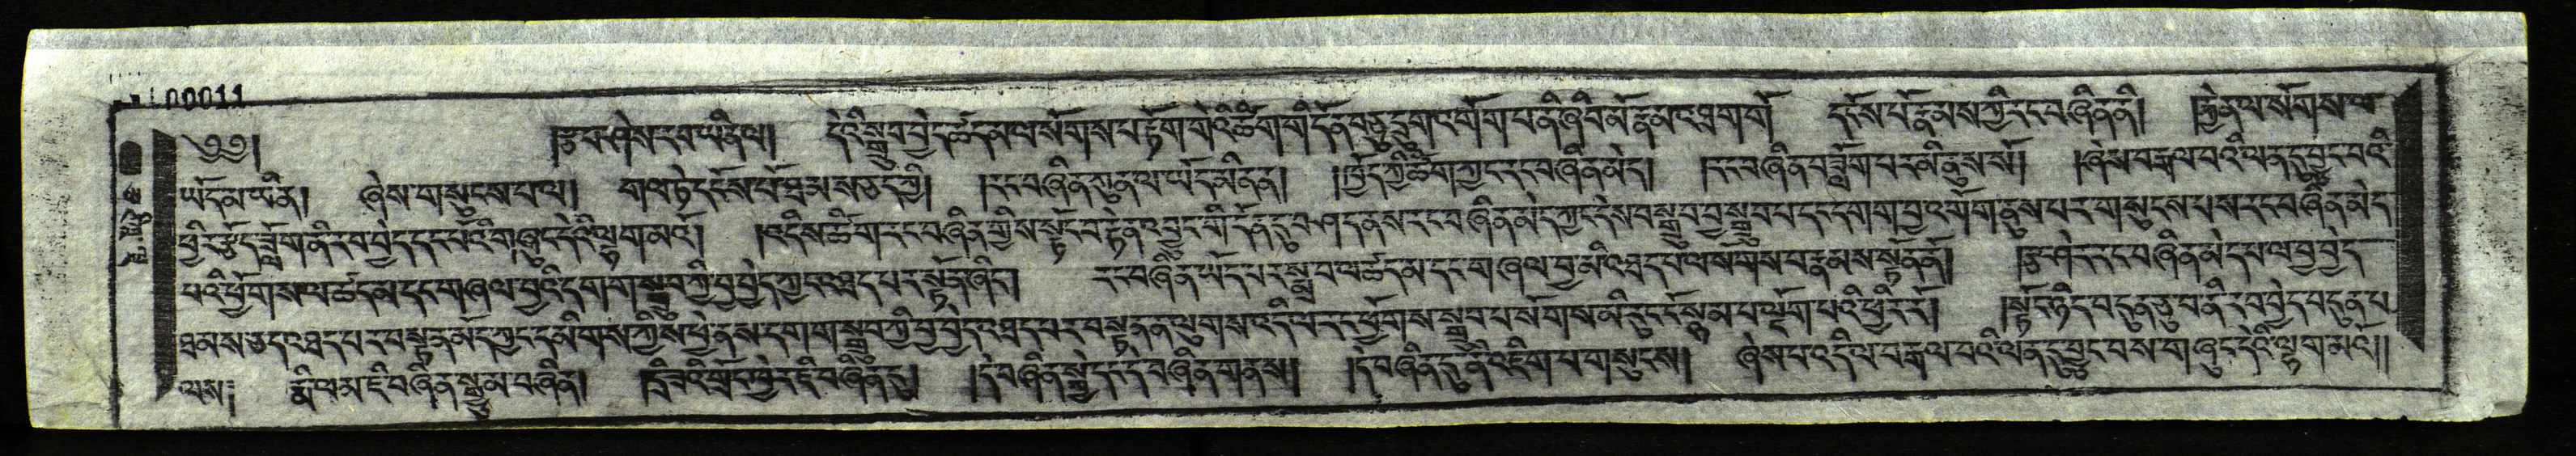༄༅། །རྩ་བ་ཤེས་རབ་ཡིན་ལ། དེའི་སྒྲུབ་བྱེད་ཚད་མ་ལ་སོགས་པ་རྟོག་གེའི་ཚིག་གི་དོན་བཅུ་དྲུག་འགོག་པ་ནི་ཞིབ་མོ་རྣམ་འཐག་གོ་དངོས་པོ་རྣམས་ཀྱི་རང་བཞིན་ནི། །རྐྱེན་ལ་སོགས་ལ་
ཡོད་མ་ཡིན། ཞེས་གསུངས་པ་ལ། གལ་ཏེ་དངོས་པོ་ཐམས་ཅད་ཀྱི། །རང་བཞིན་ཀུན་ལ་ཡོད་མིན་ན། །ཁྱོད་ཀྱི་ཚིག་ཀྱང་རང་བཞིན་མེད། །རང་བཞིན་བཟློག་པར་མི་ནུས་སོ། །ཞེས་བརྒལ་བའི་ལན་དུ་བྱུང་བའི་
ཕྱིར་རྩོད་ཟློག་ནི་རབ་བྱེད་དང་པོའི་གཞུང་དེའི་ལྷག་མའོ། །འདིས་ཚིག་རང་བཞིན་གྱིས་སྟོང་པ་རྟེན་འབྱུང་གི་དོན་དུ་བཤད་ནས་རང་བཞིན་མེད་ཀྱང་དེས་བསྒྲུབ་བྱ་སྒྲུབ་པ་དང་དགག་བྱ་འགོག་ནུས་པར་གསུངས་པས་རང་བཞིན་མེད་
པའི་ཕྱོགས་ལ་ཚད་མ་དང་གཞལ་བྱའི་དགག་སྒྲུབ་ཀྱི་བྱ་བྱེད་ཀྱང་འཐད་པར་སྟོན་ཞིང་། རང་བཞིན་ཡོད་པར་སྨྲ་བ་ལ་ཚད་མ་དང་གཞལ་བྱ་མི་འཐད་པ་ལ་སོགས་པ་རྣམས་སྟོན་ནོ། །རྩ་ཤེར་རང་བཞིན་མེད་པ་ལ་བྱ་བྱེད་
ཐམས་ཅད་འཐད་པར་བསྟན་མོད་ཀྱང་དམིགས་ཀྱིས་ཕྱེ་ནས་དགག་སྒྲུབ་ཀྱི་བྱ་བྱེད་འཐད་པར་བསྟན་ན་ལུགས་འདི་ལ་རང་ཕྱོགས་སྒྲུབ་པ་སོགས་མི་རུང་ངོ་སྙམ་པ་ལྡོག་པའི་ཕྱིར་རོ། །སྟོང་ཉིད་བདུན་ཅུ་པ་ནི་རབ་བྱེད་བདུན་པ་
ལས༑ རྨི་ལམ་ཇི་བཞིན་སྒྱུ་མ་བཞིན། །དྲི་ཟའི་གྲོང་ཁྱེར་ཇི་བཞིན་དུ། །དེ་བཞིན་སྐྱེ་དང་དེ་བཞིན་གནས། །དེ་བཞིན་དུ་ནི་འཇིག་པ་གསུངས། ཞེས་པ་འདི་ལ་བརྒལ་བའི་ལན་དུ་བྱུང་བས་གཞུང་དེའི་ལྷག་མའོ།།